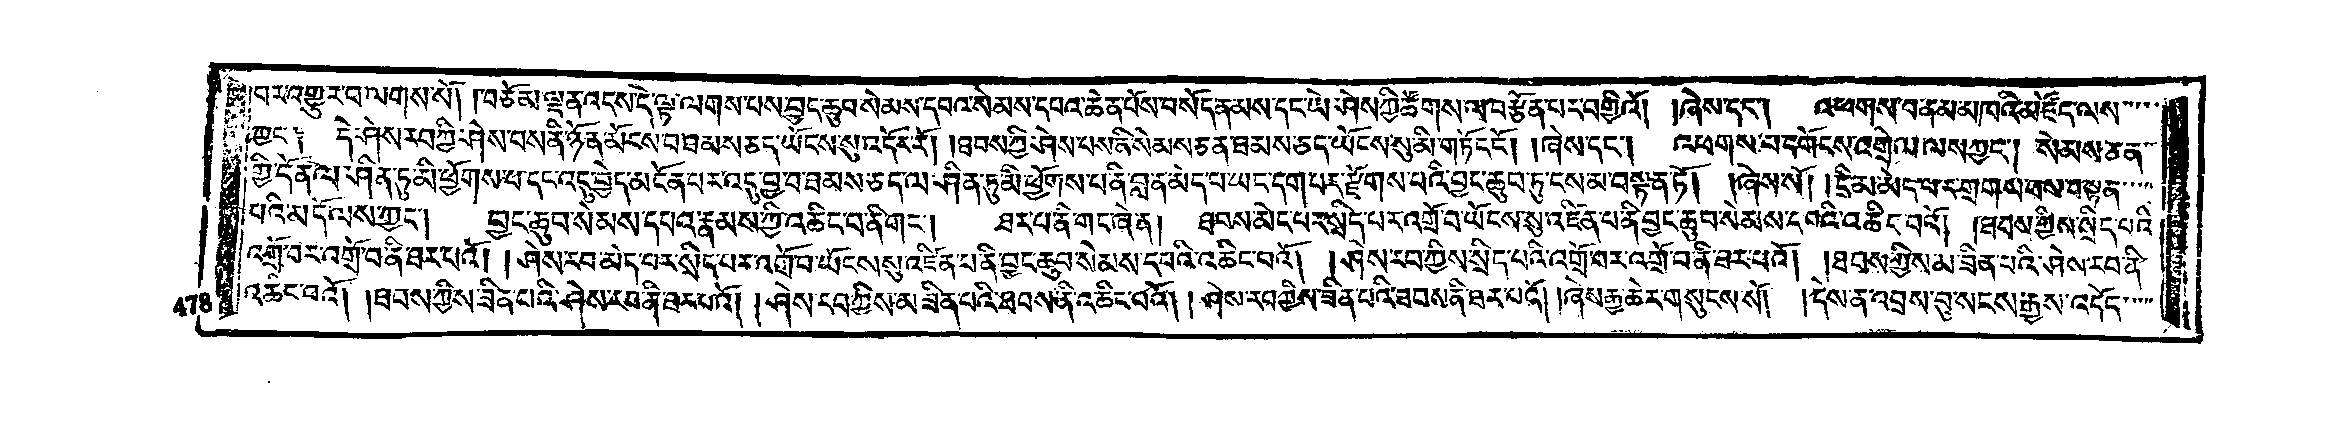བར་འགྱུར་བ་ལགས་སོ། །བཅོམ་ལྡན་འདས་དེ་ལྟ་ལགས་པས་བྱང་ཆུབ་སེམས་དཔའ་སེམས་དཔའ་ཆེན་པོས་བསོད་ནམས་དང་ཡེ་ཤེས་ཀྱི་ཚོགས་ལ་བརྩོན་པར་བགྱིའོ། །ཞེས་དང་། འཕགས་པ་ནམ་མཁའི་མཛོད་ལས་
ཀྱང༑ དེ་ཤེས་རབ་ཀྱི་ཤེས་པས་ནི་ཉོན་མོངས་པ་ཐམས་ཅད་ཡོངས་སུ་འདོར་རོ། །ཐབས་ཀྱི་ཤེས་པས་ནི་སེམས་ཅན་ཐམས་ཅད་ཡོངས་སུ་མི་གཏོང་ངོ། །ཞེས་དང་། འཕགས་པ་དགོངས་འགྲེལ་ལས་ཀྱང་། སེམས་ཅན་
གྱི་དོན་ལ་ཤིན་ཏུ་མི་ཕྱོགས་པ་དང་འདུ་བྱེད་མངོན་པར་འདུ་བྱ་བ་ཐམས་ཅད་ལ་ཤིན་ཏུ་མི་ཕྱོགས་པ་ནི་བླ་ན་མེད་པ་ཡང་དག་པར་རྫོགས་པའི་བྱང་ཆུབ་ཏུ་ངས་མ་བསྟན་ཏོ། །ཞེས་སོ། །དྲི་མ་མེད་པར་གྲགས་པས་བསྟན་
པའི་མདོ་ལས་ཀྱང་། བྱང་ཆུབ་སེམས་དཔའ་རྣམས་ཀྱི་འཆིང་བ་ནི་གང་། ཐར་པ་ནི་གང་ཞེ་ན། ཐབས་མེད་པར་སྲིད་པར་འགྲོ་བ་ཡོངས་སུ་འཛིན་པ་ནི་བྱང་ཆུབ་སེམས་དཔའི་འཆིང་བའོ། །ཐབས་ཀྱིས་སྲིད་པའི་
འགྲོ་བར་འགྲོ་བ་ནི་ཐར་པའོ། །ཤེས་རབ་མེད་པར་སྲིད་པར་འགྲོ་བ་ཡོངས་སུ་འཛིན་པ་ནི་བྱང་ཆུབ་སེམས་དཔའི་འཆིང་བའོ། །ཤེས་རབ་ཀྱིས་སྲིད་པའི་འགྲོ་བ་ནི་ཐར་པའོ། །ཐབས་ཀྱིས་མ་ཟིན་པའི་ཤེས་རབ་ནི་
འཆིང་བའོ། །ཐབས་ཀྱིས་ཟིན་པའི་ཤེས་རབ་ནི་ཐར་པའོ། །ཤེས་རབ་ཀྱིས་མ་ཟིན་པའི་ཐབས་ནི་འཆིང་བའོ། །ཤེས་རབ་ཀྱིས་ཟིན་པའི་ཐབས་ནི་ཐར་པའོ། །ཞེས་རྒྱ་ཆེར་གསུངས་སོ། །དེས་ན་འབྲས་བུ་སངས་རྒྱས་འདོད་